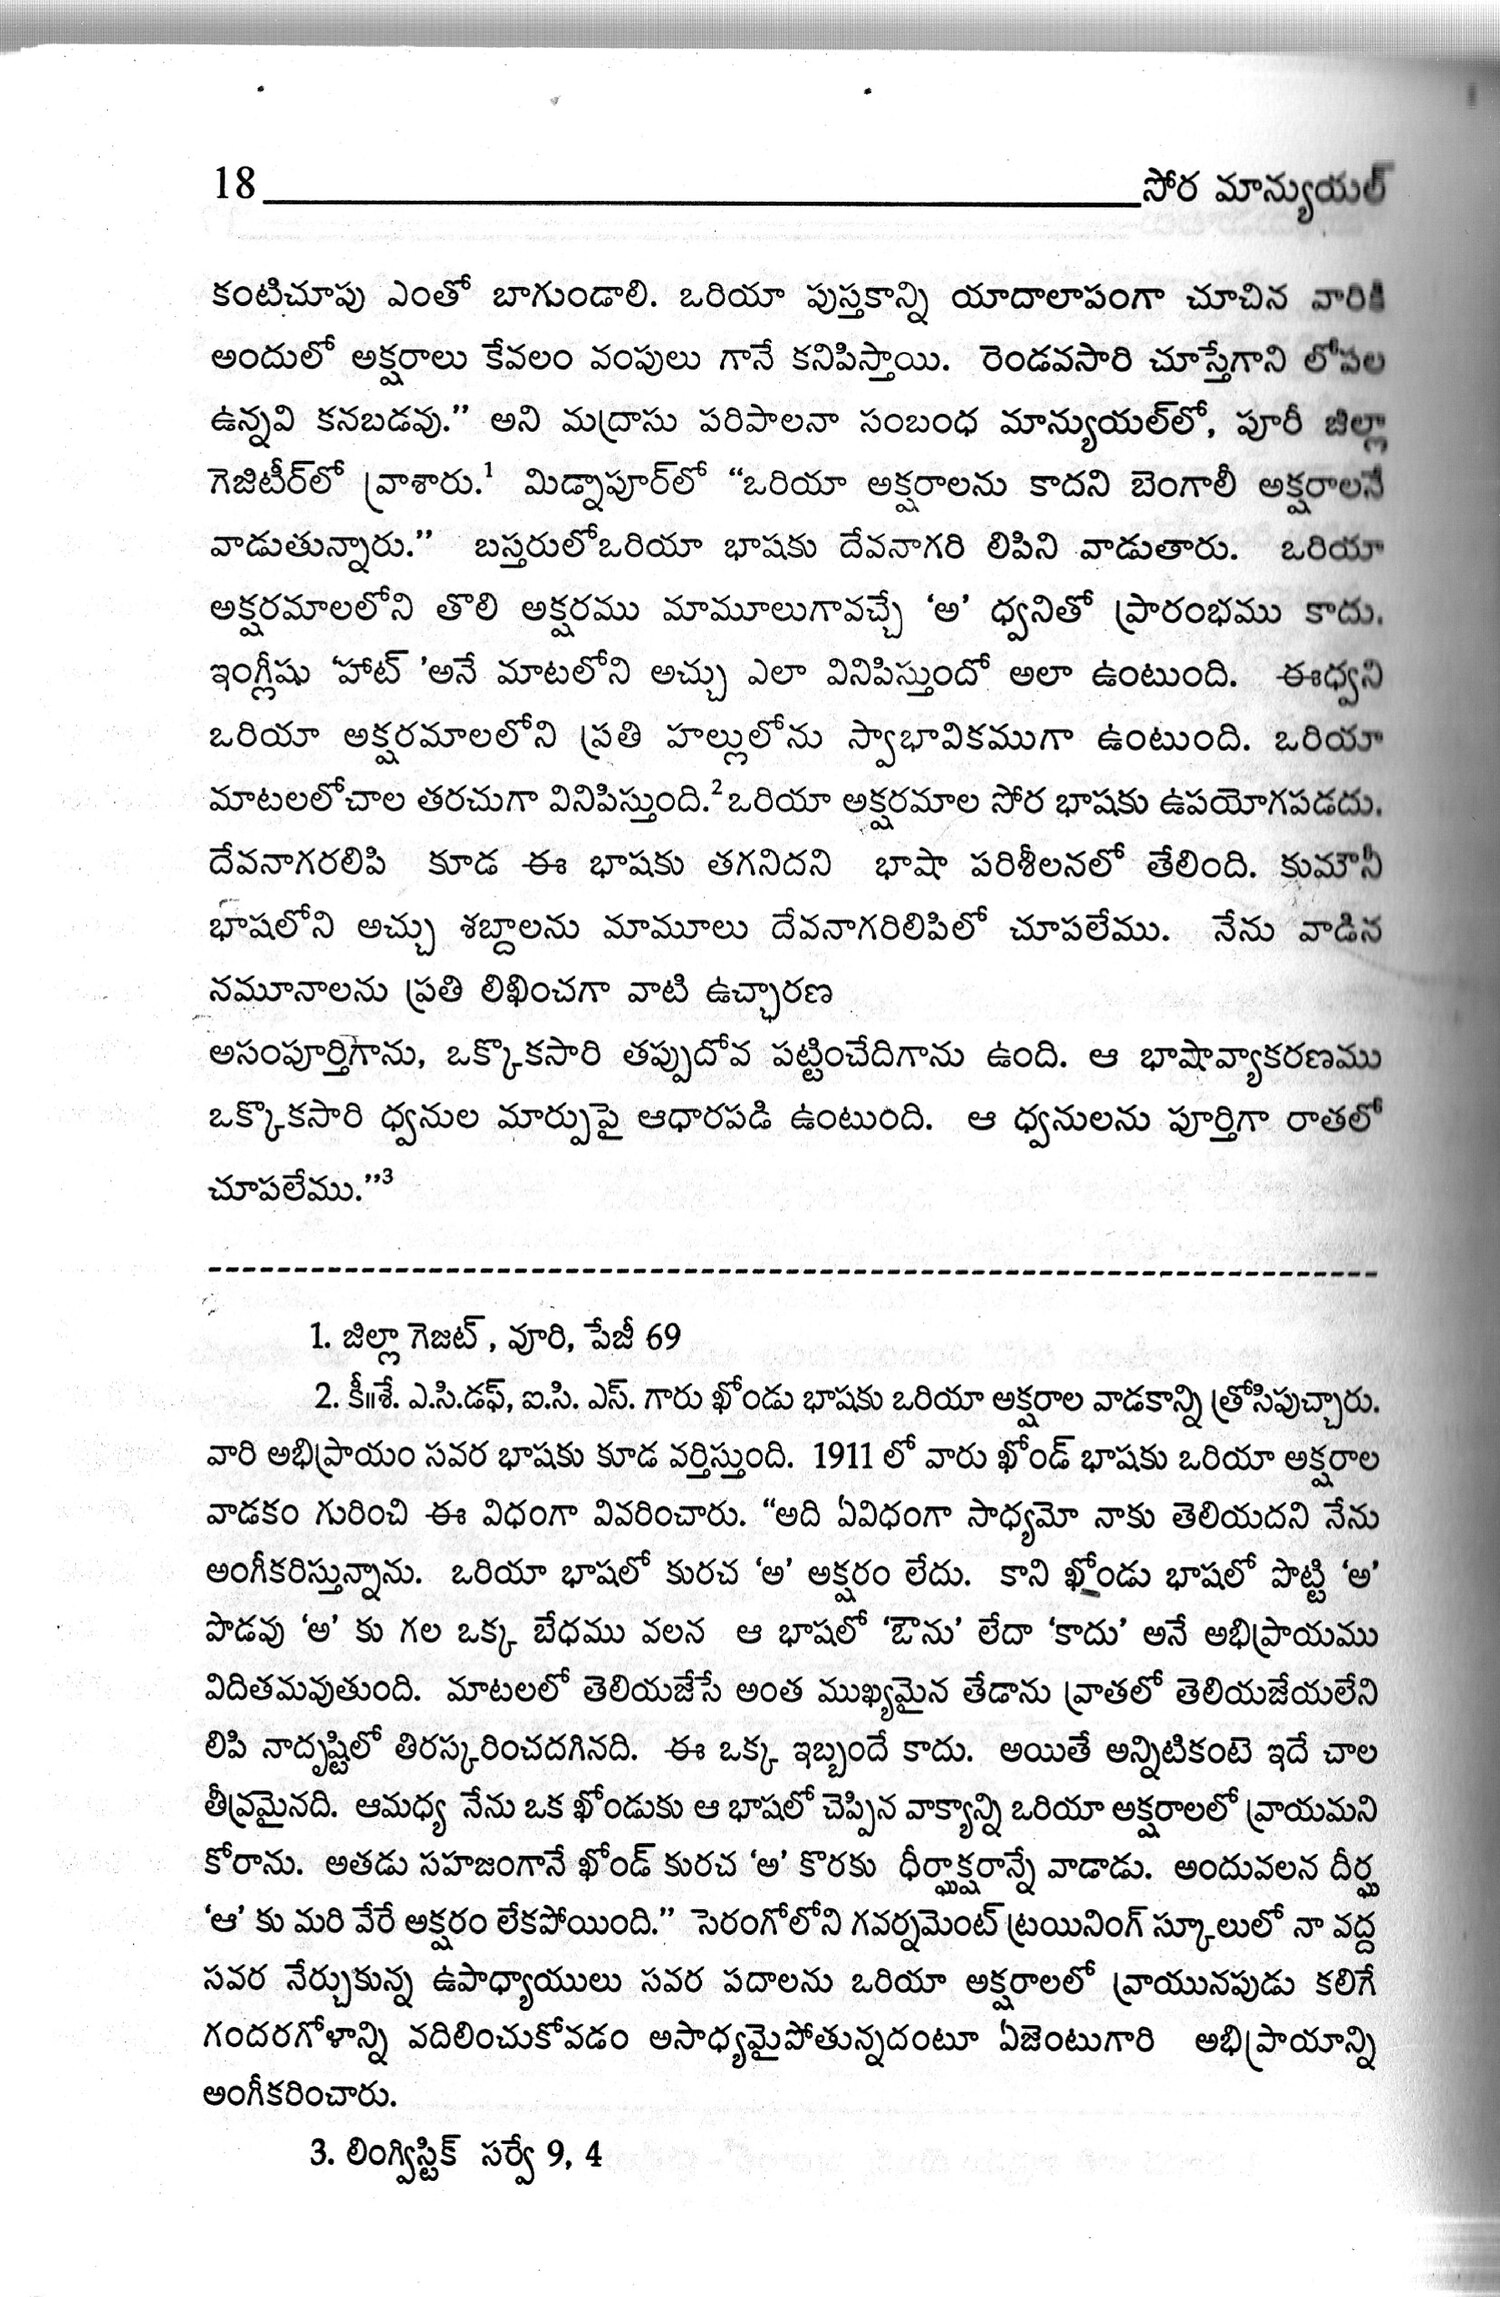కంటిచూపు ఎంతో బాగుండాలి. ఒరియా పుస్తకాన్ని యాదాలాపంగా చూచిన వారికి అందులో అక్షరాలు కేవలం వంపులు గానే కనిపిస్తాయి. రెండవసారి చూస్తేగాని లోపల ఉన్నవి కనబడవు.” అని మద్రాసు పరిపాలనా సంబంధ మాన్యుయల్ లో, పూరీ జిల్లా గెజిటీలో వ్రాశారు. మిడ్నాపూర్ లో “ఒరియా అక్షరాలను కాదని బెంగాలీ అక్షరాలనే వాడుతున్నారు.” బస్తరులో ఒరియా భాషకు దేవనాగరి లిపిని వాడుతారు. ఒరియా అక్షరమాలలోని తొలి అక్షరము మామూలుగా వచ్చే 'అ' ధ్వనితో ప్రారంభము కాదు. ఇంగ్లీషు 'హాట్ 'అనే మాటలోని అచ్చు ఎలా వినిపిస్తుందో అలా ఉంటుంది. ఈ ధ్వని ఒరియా అక్షరమాలలోని ప్రతి హల్లులోను స్వాభావికముగా ఉంటుంది. ఒరియా మాటలలో చాల తరచుగా వినిపిస్తుంది. ఒరియా అక్షరమాల సోర భాషకు ఉపయోగపడదు. దేవనాగరలిపి కూడ ఈ భాషకు తగనిదని భాషా పరిశీలనలో తేలింది. కుమౌనీ భాషలోని అచ్చు శబ్దాలను మామూలు దేవనాగరిలిపిలో చూపలేము. నేను వాడిన నమూనాలను ప్రతి లిఖించగా వాటి ఉచ్ఛారణ అసంపూర్తిగాను, ఒక్కొకసారి తప్పుదోవ పట్టించేదిగాను ఉంది. ఆ భాషా వ్యాకరణము ఒక్కొకసారి ధ్వనుల మార్పుపై ఆధారపడి ఉంటుంది. ఆ ధ్వనులను పూర్తిగా రాతలో చూపలేము."